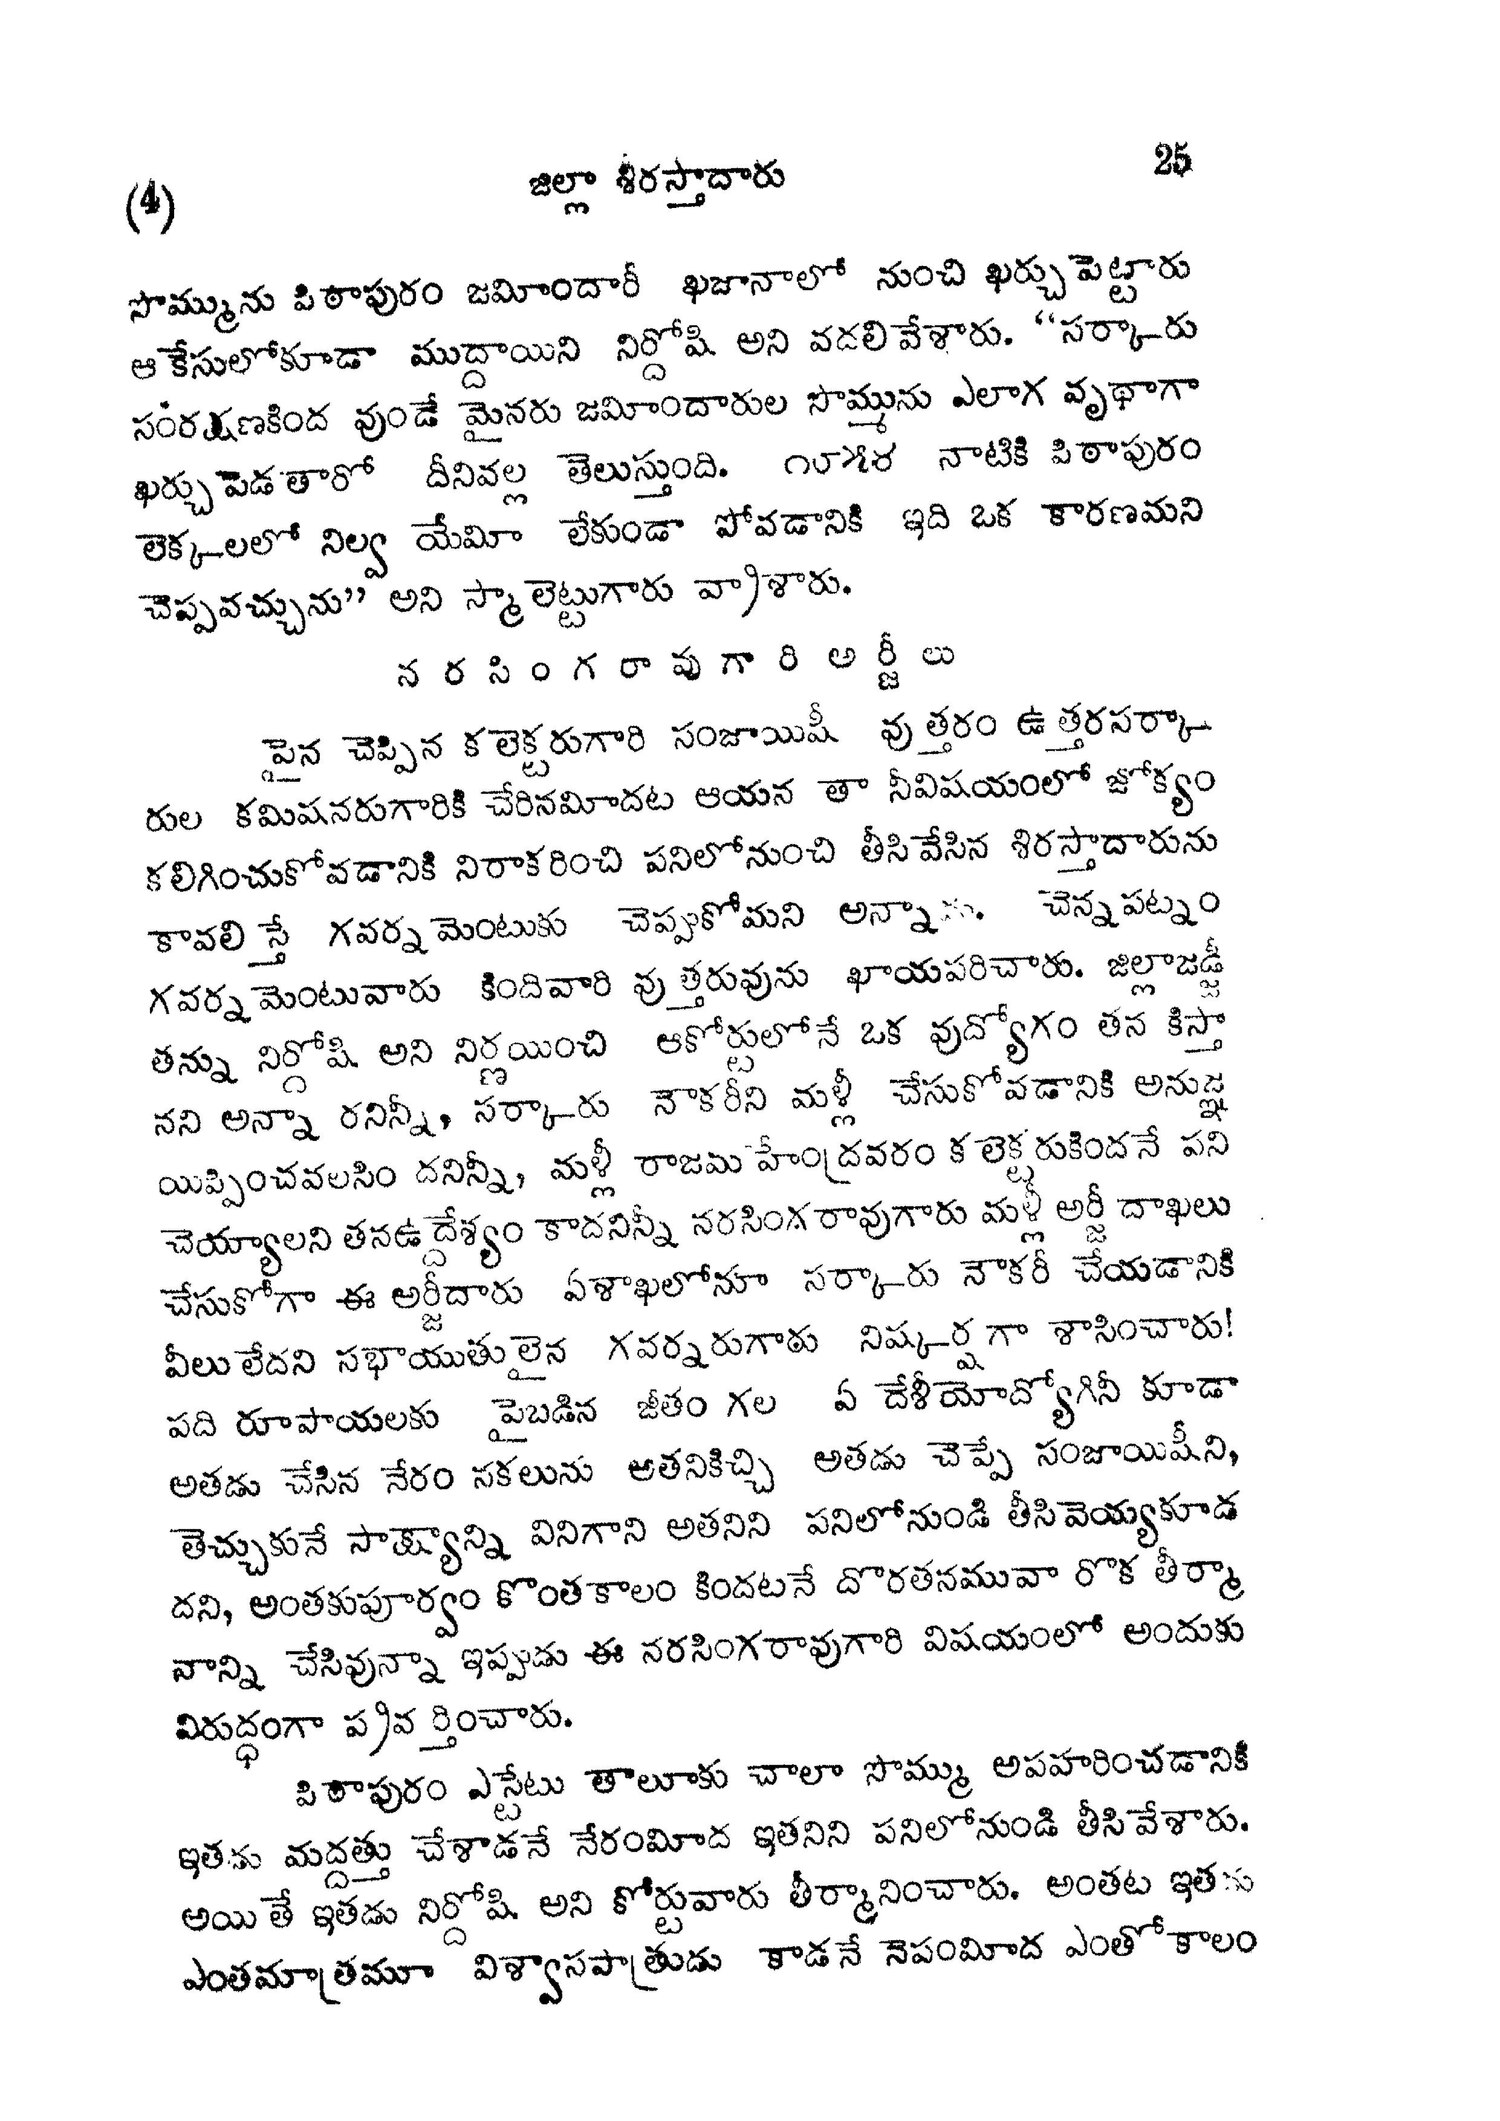సొమ్మును పిఠాపురం జమీందారీ ఖజానాలో నుంచి ఖర్చుపెట్టారు. ఆకేసులో కూడా ముద్దాయిని నిర్దోషి అని వదలివేశారు. "సర్కారు సంరక్షణకింద వుండే మైనరు జమీందారుల సొమ్మును ఎలాగ వృధాగా ఖర్చుపెడతారో దీనివల్ల తెలుస్తుంది. 1854 నాటికి పిఠాపురం లెక్కలలో నిల్వ యేమీ లేకుండా పోవడానికి ఇది ఒక కారణమని చెప్పవచ్చును" అని స్మాలెట్టుగారు వ్రాశారు.

 
పైన చెప్పిన కలెక్టరుగారి సంజాయిషీ వుత్తరం ఉత్తరసర్కారుల కమిషనరు గారికి చేరినమీదట ఆయన తా నీవిషయంలో జోక్యం కలిగించుకోవడానికి నిరాకరించి పనిలోనుంచి తీసివేసిన శిరస్తాదారును కావలిస్తే గవర్నమెంటుకు చెప్పుకోమని అన్నారు. చెన్నపట్నం గవర్నమెంటువారు కిందివారి వుత్తరువును ఖాయపరచారు. జిల్లాజడ్జీ తన్ను నిర్దోషి అని నిర్ణయించి ఆకోర్టులోనే ఒక వుద్యోగం తన కిస్తారని అన్నా రనిన్నీ, సర్కారు నౌకరీని మళ్లీ చేసుకోవడానికి అనుజ్ఞ యిప్పించవలసిం దనిన్నీ, మళ్లీ రాజమహేంద్రవరం కలెక్టరుకిందనే పని చెయ్యాలని తనఉద్దేశ్యం కాదనిన్నీ నరసింగరావుగారు మళ్లీ అర్జీ దాఖలు చేసుకోగా ఈ అర్జీదారు ఏశాఖలోనూ సర్కారు నౌకరీ చేయడానికి వీలులేదని సభాయుతులైన గవర్నమెంటుగారు నిష్కర్షగా శాసించారు! పది రూపాయలకు పైబడిన జీతం గల ఏ దేశీయోద్యోగినీ కూడా అతడు చేసిన నేరం నకలును అతని కిచ్చిఅతడు చెప్పే సంజాయిషీని, తెచ్చుకునే సాక్ష్యాన్ని వినిగాని అతనిని పనిలోనుండి తీసివెయ్యకూడదని, అంతకుపూర్వం కొంతకాలం కిందటనే దొరతనమువా రొక తీర్మానాన్ని చేసివున్నా ఇప్పుడు ఈ నరసింగరావుగారి విషయంలో అందుకు విరుద్ధంగా ప్రవర్తించారు.

పిఠాపురం ఎస్టేటు తాలూకు చాలా సొమ్ము అపహరించడానికి ఇతడు మద్దత్తు చేశాడనే నేరంమీద ఇతనిని పనిలోనుండి తీసివేశారు. అయితే ఇతడు నిర్దోషి అని కోర్టువారు తీర్మానించారు. అంతట ఇతడు ఎంతమాత్రమూ విశ్వసపాత్రుడు కాడనే నెపంమీద ఎంతోకాలం